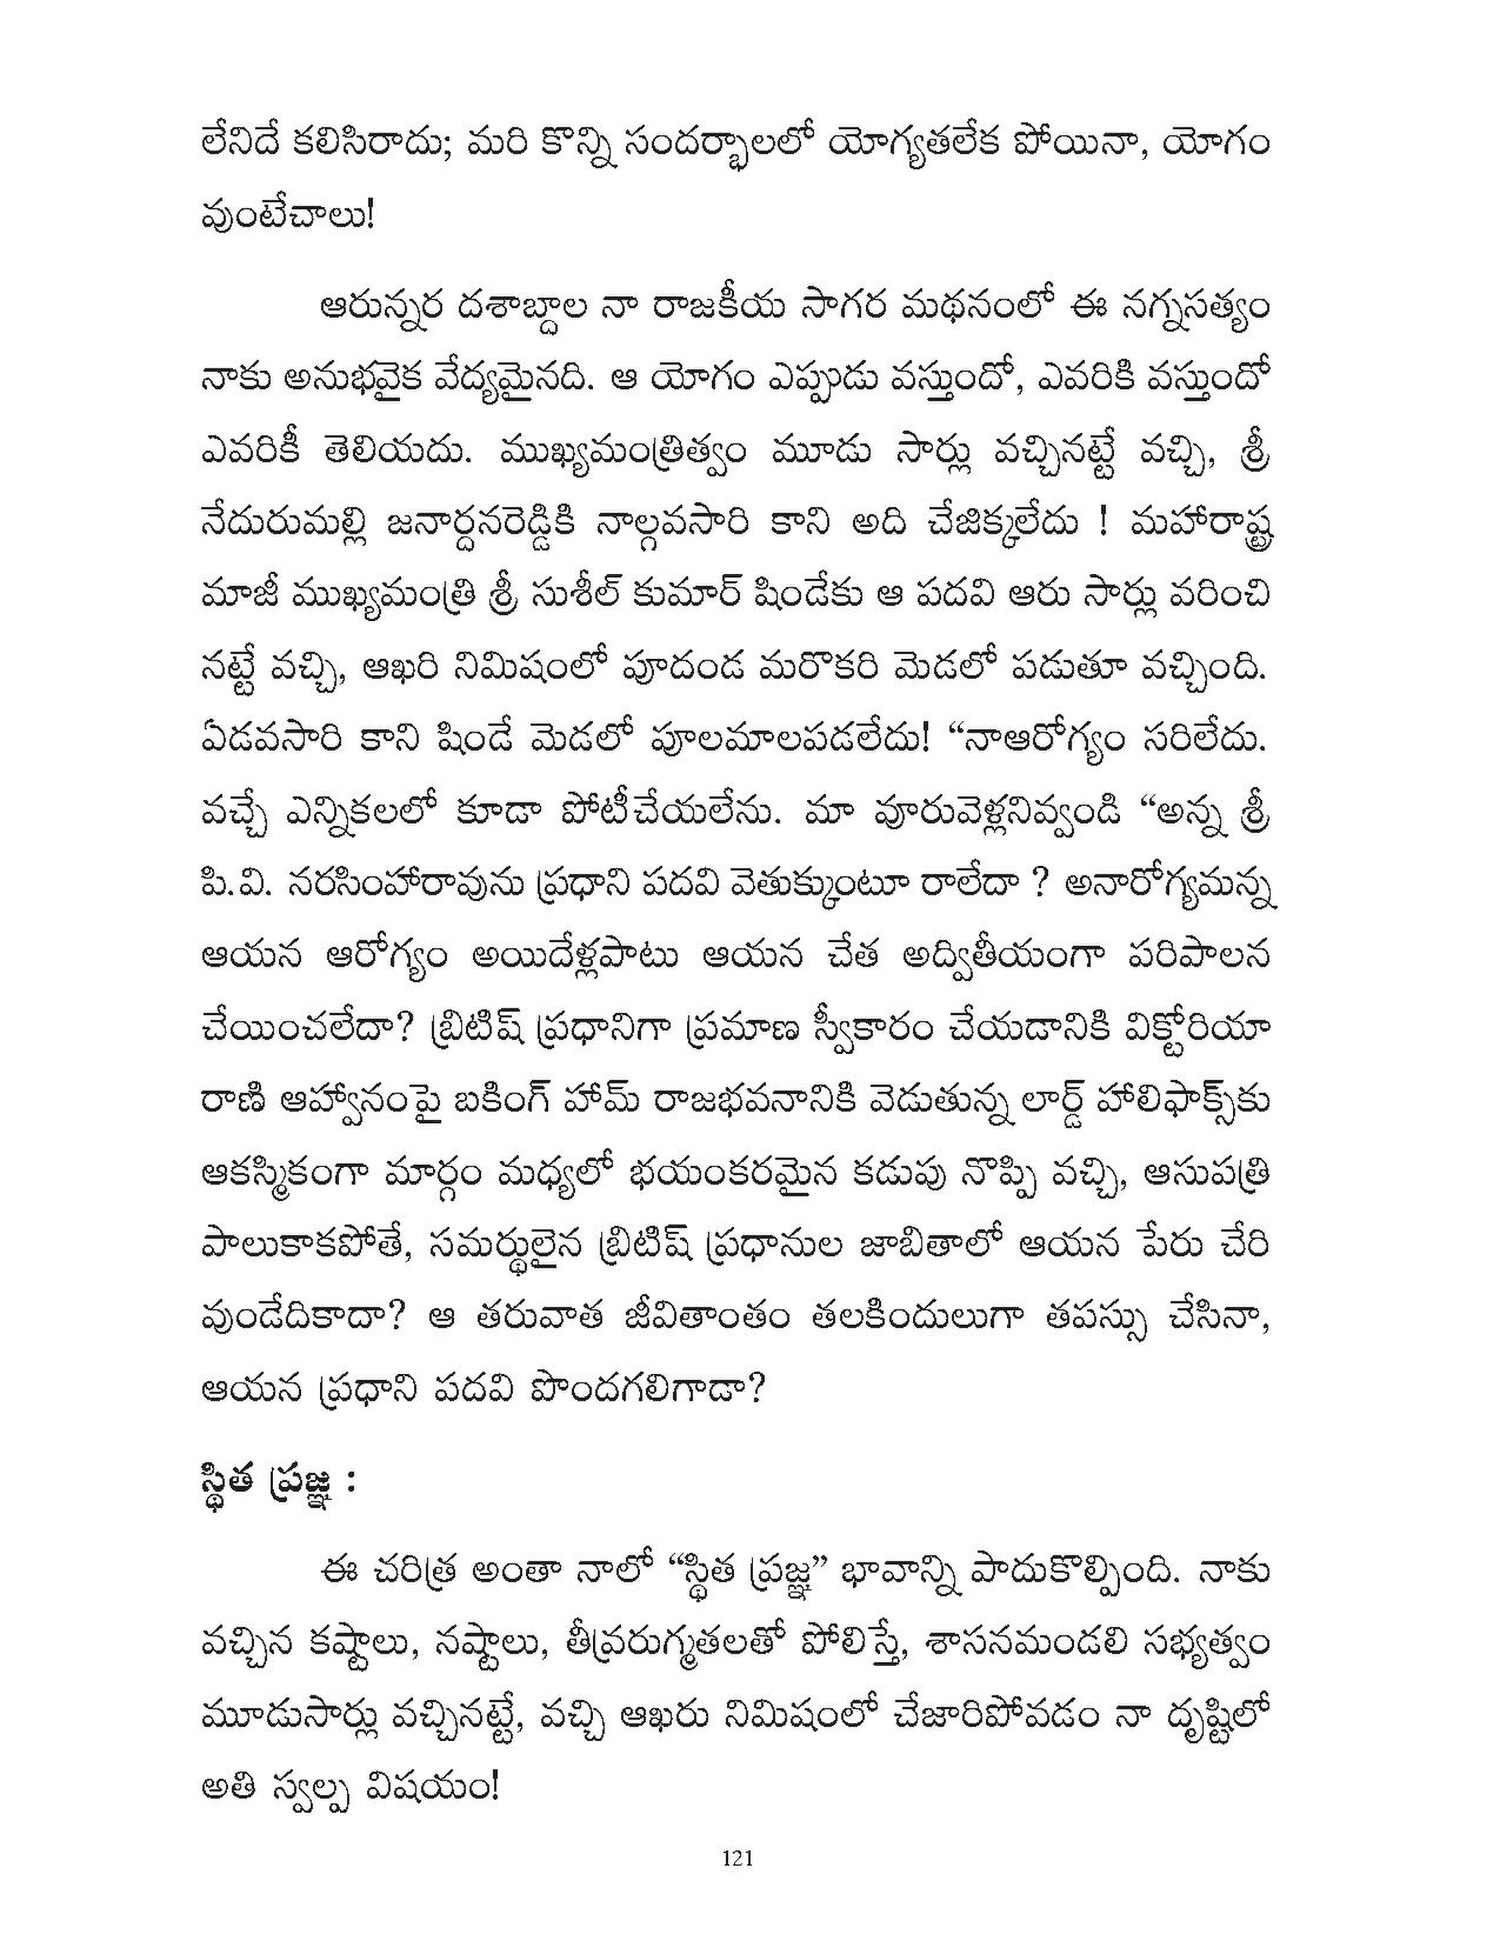లేనిదే కలిసిరాదు; మరి కొన్ని సందర్భాలలో యోగ్యతలేక పోయినా, యోగం
వుంటేచాలు!

ఆరున్నర దశాబ్దాల నా రాజకీయ సాగర మథనంలో ఈ నగ్నసత్యం
నాకు అనుభవైక వేద్యమైనది. ఆ యోగం ఎప్పుడు వస్తుందో, ఎవరికి వస్తుందో
ఎవరికీ తెలియదు. ముఖ్యమంత్రిత్వం మూడు సార్లు వచ్చినట్టే వచ్చి, శ్రీ
నేదురుమల్లి జనార్దనరెడ్డికి నాల్గవసారి కాని అది చేజిక్కలేదు! మహారాష్ట్ర
మాజీ ముఖ్యమంత్రి శ్రీ సుశీల్‌ కుమార్‌ షిండేకు ఆ పదవి ఆరు సార్లు వరించి
నట్టే వచ్చి, ఆఖరి నిమిషంలో పూదండ మరొకరి మెడలో పడుతూ వచ్చింది.
ఏడవసారి కాని షిండే మెడలో పూలమాలపడలేదు! "నాఆరోగ్యం సరిలేదు.
వచ్చే ఎన్నికలలో కూడా పోటీచేయలేను. మా వూరువెళ్లనివ్వండి "అన్న శ్రీ
పి.వి. నరసింహారావును ప్రధాని పదవి వెతుక్కుంటూ రాలేదా? అనారోగ్యమన్న
ఆయన ఆరోగ్యం అయిదేళ్లపాటు ఆయన చేత అద్వితీయంగా పరిపాలన
చేయించలేదా? బ్రిటిష్‌ ప్రధానిగా ప్రమాణ స్వీకారం చేయడానికి విక్టోరియా
రాణి ఆహ్వానంపై బకింగ్‌ హామ్‌ రాజభవనానికి మెతున్న లార్డ్‌ హాలిఫాక్స్‌కు
ఆకస్మికంగా మార్గం మధ్యలో భయంకరమైన కడుపు నొప్పి వచ్చి, ఆసుపత్రి
పాలుకాకపోతే, సమర్థులైన బ్రిటిష్‌ ప్రధానుల జాబితాలో ఆయన పేరు చేరి
వుండేదికాదా? ఆ తరువాత జీవితాంతం తలకిందులుగా తపస్సు చేసినా,
ఆయన ప్రధాని పదవి పొందగలిగాడా?

స్థిత ప్రజ్ఞ :

ఈ చరిత్ర అంతా నాలో "స్థిత ప్రజ్ఞ" భావాన్ని పాదుకొల్పింది. నాకు
వచ్చిన కష్టాలు, నష్టాలు, తీవ్రరుగ్మతలతో పోలిస్తే, శాసనమండలి సభ్యత్వం
మూడుసార్లు వచ్చినట్టే, వచ్చి ఆఖరు నిమిషంలో చేజారిపోవడం నా దృష్టిలో
అతి స్వల్ప విషయం!